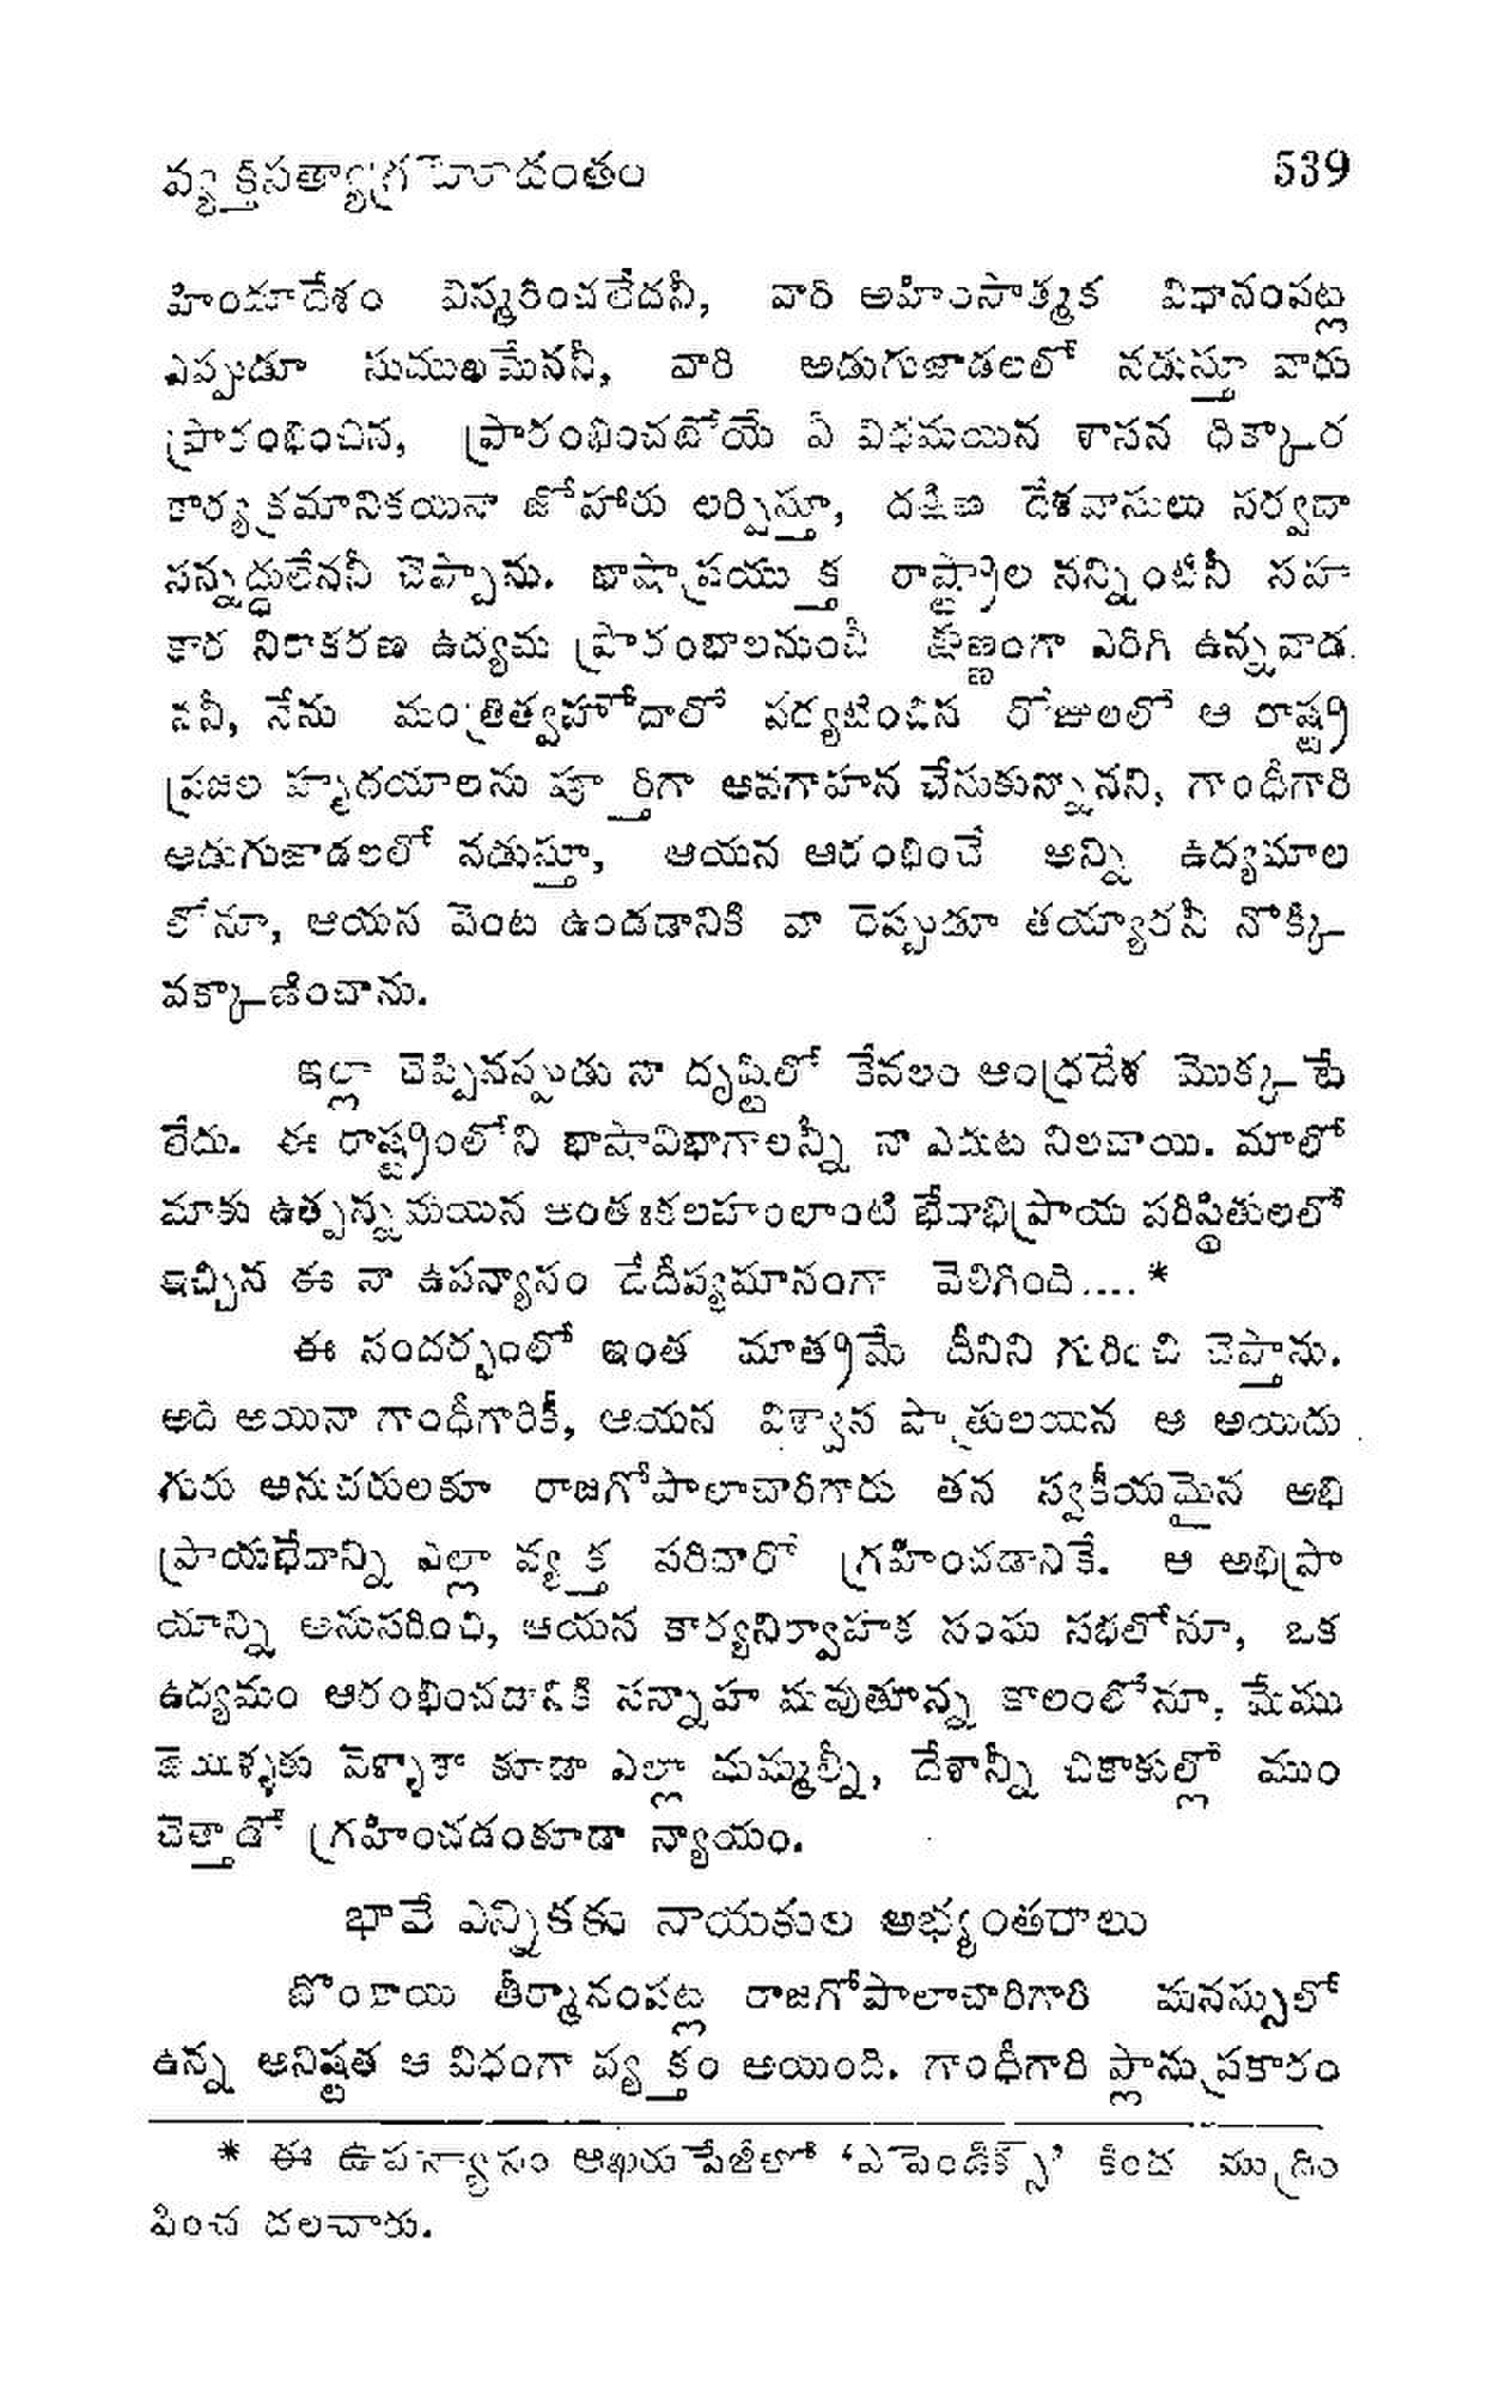హిందూదేశం విస్మరించలేదనీ, వారి అహింసాత్మక విధానంపట్ల ఎప్పుడూ సుముఖమేననీ, వారి అడుగుజాడలలో నడుస్తూ వారు ప్రారంభించిన, ప్రారంభించ బోయే ఏ విధమయిన శాసన ధిక్కార కార్యక్రమాని కయినా జోహారు లర్పిస్తూ, దక్షిణ దేశవాసులు సర్వదా సన్నద్ధులేననీ చెప్పాను. భాషాప్రయుక్త రాష్ట్రాల నన్నింటినీ సహకార నిరాకరణ ఉద్యమ ప్రారంభాలనుంచీ క్షుణ్ణంగా ఎరిగి ఉన్నవాడననీ, నేను మంత్రిత్వ హోదాలో పర్యటించిన రోజులలో ఆ రాష్ట్ర ప్రజల హృదయాలను పూర్తిగా అవగాహన చేసుకున్నానని, గాంధీగారి అడుగుజాడలలో నడుస్తూ, ఆయన ఆరంభించే అన్ని ఉద్యమాలలోనూ, ఆయన వెంట ఉండడానికి వా రెప్పుడూ తయ్యారనీ నొక్కి వక్కాణించాను.

ఇల్లా చెప్పినప్పుడు నా దృష్టిలో కేవలం ఆంధ్రదేశ మొక్కటే లేదు. ఈ రాష్ట్రంలోని భాషా విభాగాలన్నీ నా ఎదుట నిలచాయి. మాలో మాకు ఉత్పన్నమయిన అంత:కలహంలాంటి భేదాభిప్రాయ పరిస్థితులలో ఇచ్చిన ఈ నా ఉపన్యాసం దేదీప్యమానంగా వెలిగింది. 

ఈ సందర్భంలో ఇంత మాత్రమే దీనిని గురించి చెప్తాను. అది అయినా గాంధీ గారికీ, ఆయన విశ్వాస పాత్రులయిన ఆ అయిదుగురు అనుచరులకూ రాజగోపాలాచారి గారు తన స్వకీయమైన అభిప్రాయభేదాన్ని ఎల్లా వ్యక్త పరిచారో గ్రహించడానికే. ఆ అభిప్రాయాన్ని అనుసరించి, ఆయన కార్యనిర్వాహక సంఘ సభలోనూ, ఒక ఉద్యమం ఆరంభించడానికి సన్నాహ మవుతూన్న కాలంలోనూ, మేము జెయిళ్ళకు వెళ్ళాకా కూడా ఎల్లా మమ్మల్నీ, దేశాన్నీ చికాకుల్లో ముంచెత్తాడో గ్రహించడం కూడా న్యాయం.

బొంబాయి తీర్మానంపట్ల రాజగోపాలాచారిగారి మనస్సులో ఉన్న అనిష్టత ఆ విధంగా వ్యక్తం అయింది. గాంధీగారి ప్లానుప్రకారం